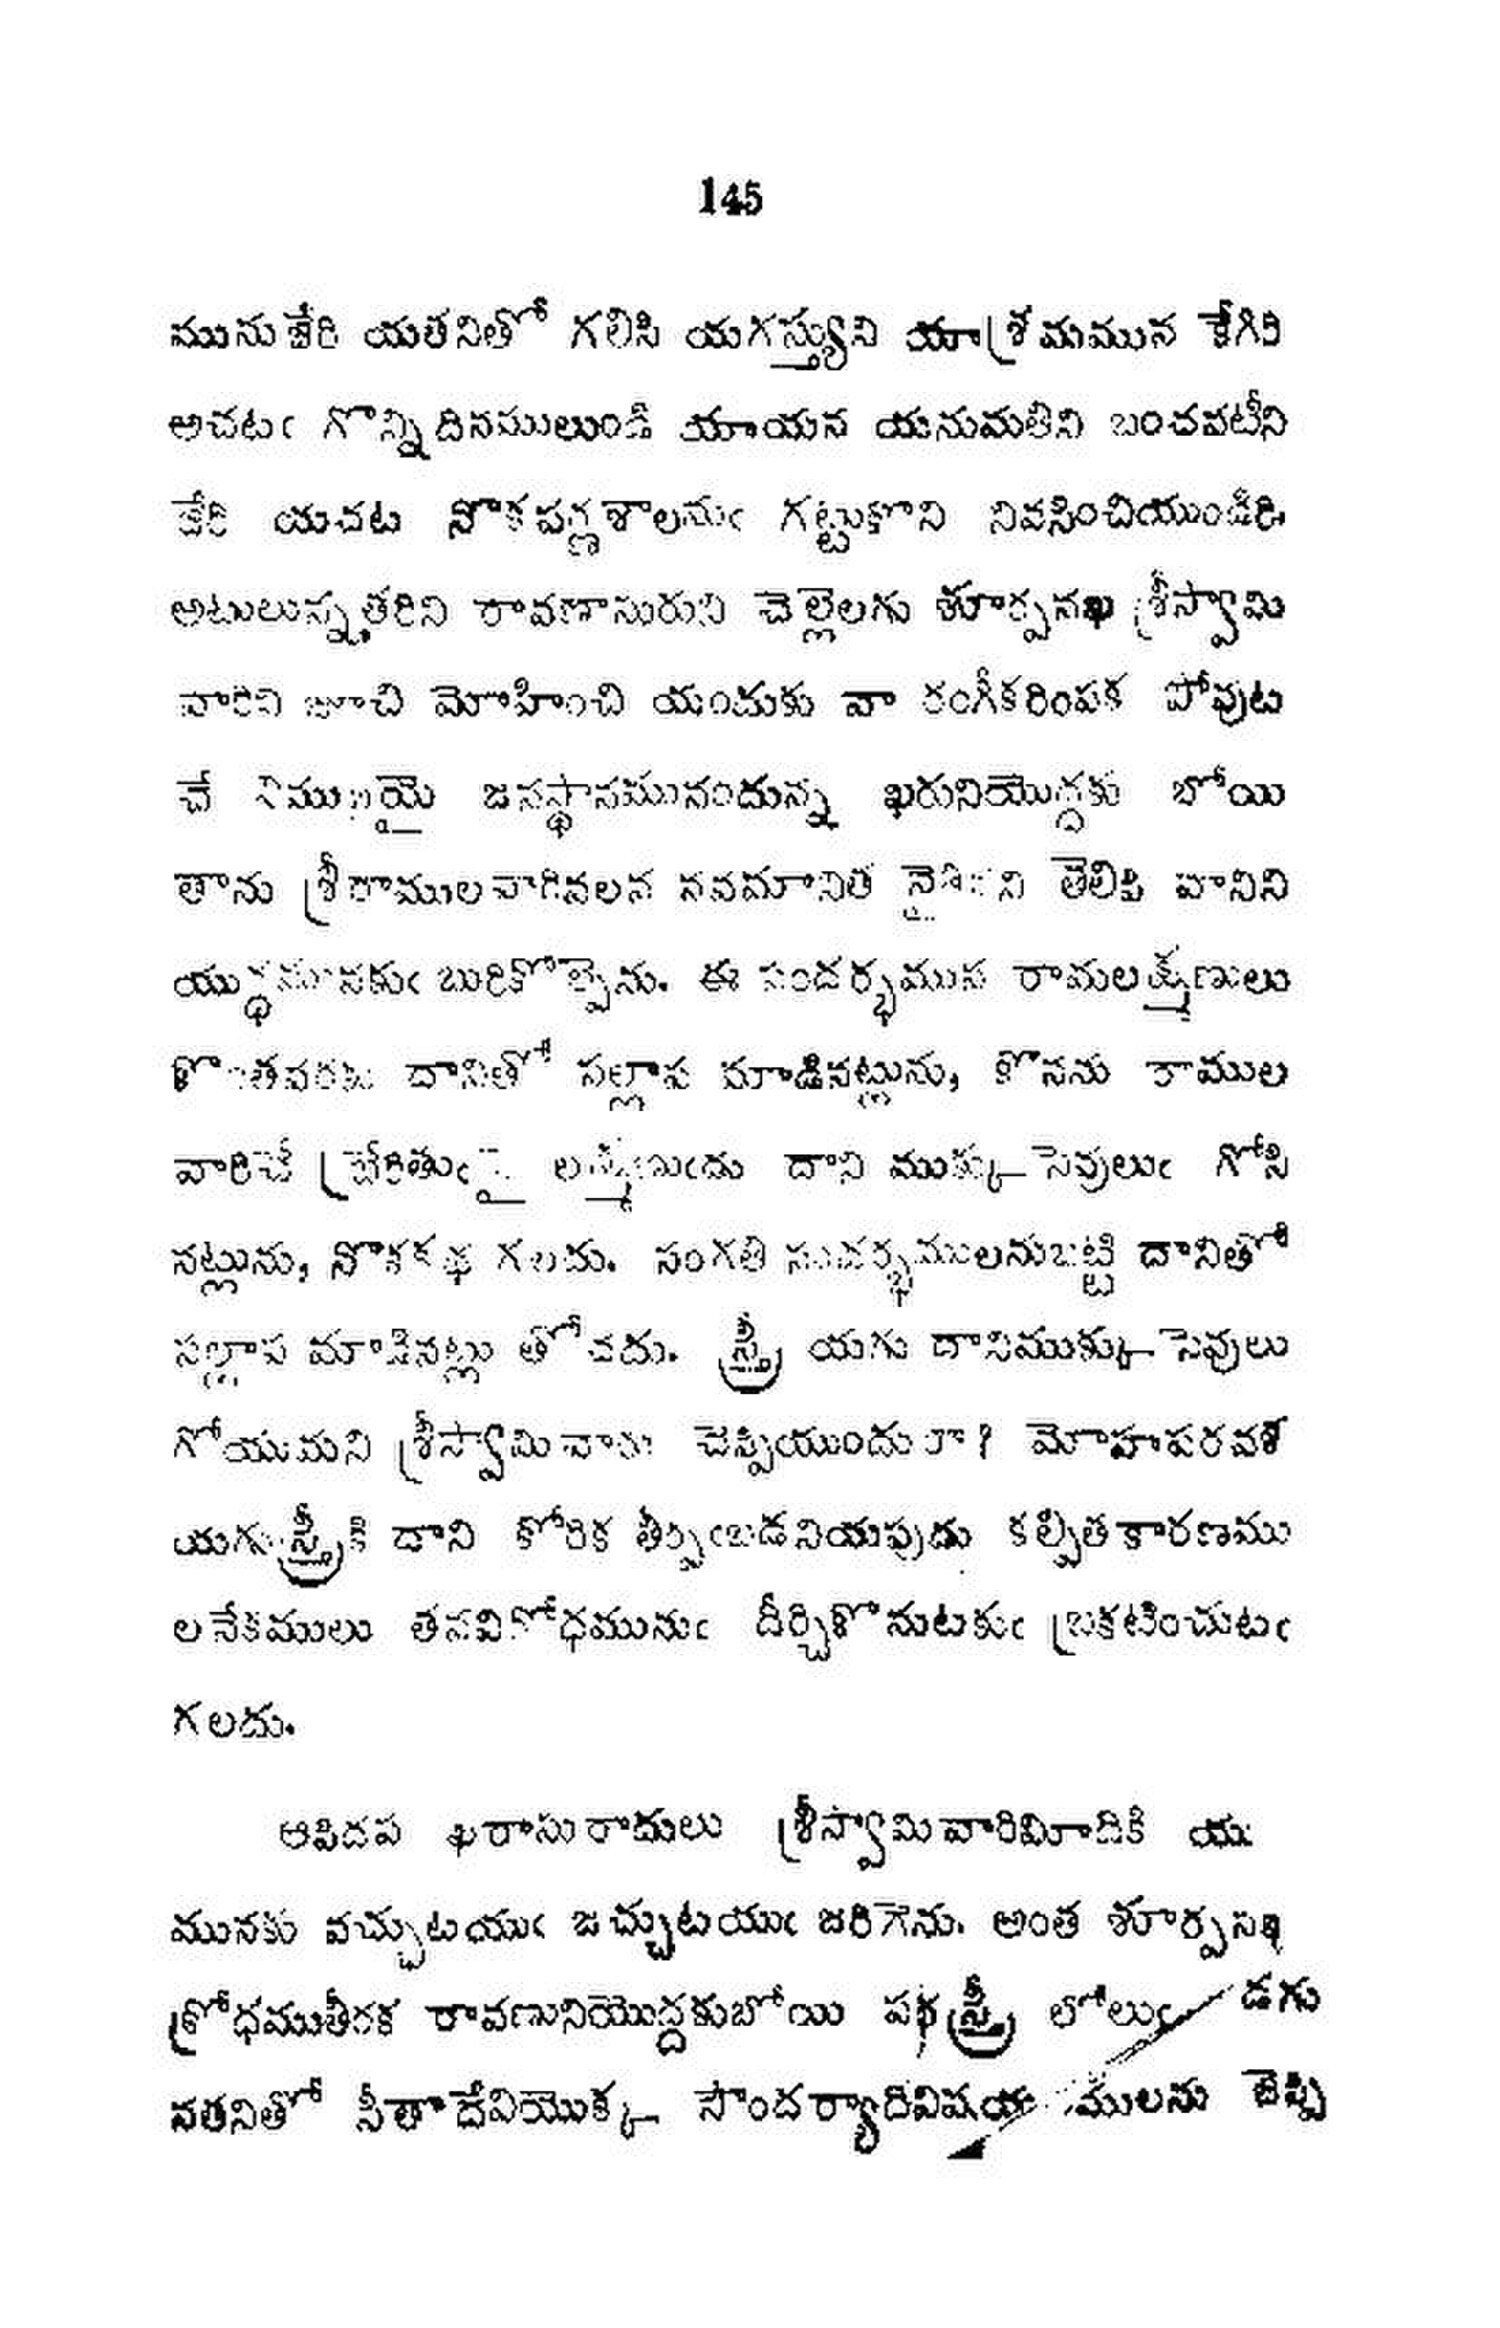మునుజేరి యతనితో గలిసి యగస్త్యుని యాశ్రమమున కేగిరి అచటఁ గొన్ని దినములుండి యాయన యనుమతిని బంచవటీని జేరి యచట నొకపర్ణశాలనుఁ గట్టుకొని నివసించియుండిరి.
అటులున్నతరిని రావణాసురుని చెల్లెలగు శూర్పనఖ శ్రీస్వామివారిని జూచి మోహించి యందుకు వా రంగీకరింపక పోవుటచే విముఖియై జన్మస్థానమునందున్న ఖరునియొద్దకు బోయి తాను శ్రీరాములవారివలన నవమానిత నైతినని తెలిపి వానిని యుద్ధమునకుఁ బురికొల్పెను. ఈ సందర్భమున రామలక్ష్మణులు కొంతవరకు దానితో సల్లాప మాడినట్లును, కొనను రాముల వారిచే బ్రేరితుఁడై లక్ష్మణుఁడు దాని ముక్కు సెవులుఁ గోసినట్లును, నొకకథ భ గలదు. సంగతి సందర్భములనుబట్టి దానితో సల్లాప మాడినట్లు తోచదు. స్త్రీ యగు దానిముక్కు సెవులు గోయుమని శ్రీస్వామివారు చెప్పియుందురా ? మోహపరవశయగుస్త్రీకి దాని కోరిక తీర్పఁబడనియపుడు కల్పితకారణము లనేకములు తనవిరోధమునుఁ దీర్చికొనుటకుఁ బ్రకటించుటఁ గలదు.

ఆపిదప ఖరాసురాదులు శ్రీస్వామివారిమీదికి యుద్ధమునకు వచ్చుటయుఁ జచ్చుటయుఁ జరిగెను. అంత శూర్పనఖ క్రోధముతీరక రావణునియొద్దకుబోయి పరస్త్రీ లోలుఁ డగు నతనితో సీతాదేవియొక్క సౌందర్యాదివిషయములను చెప్పి